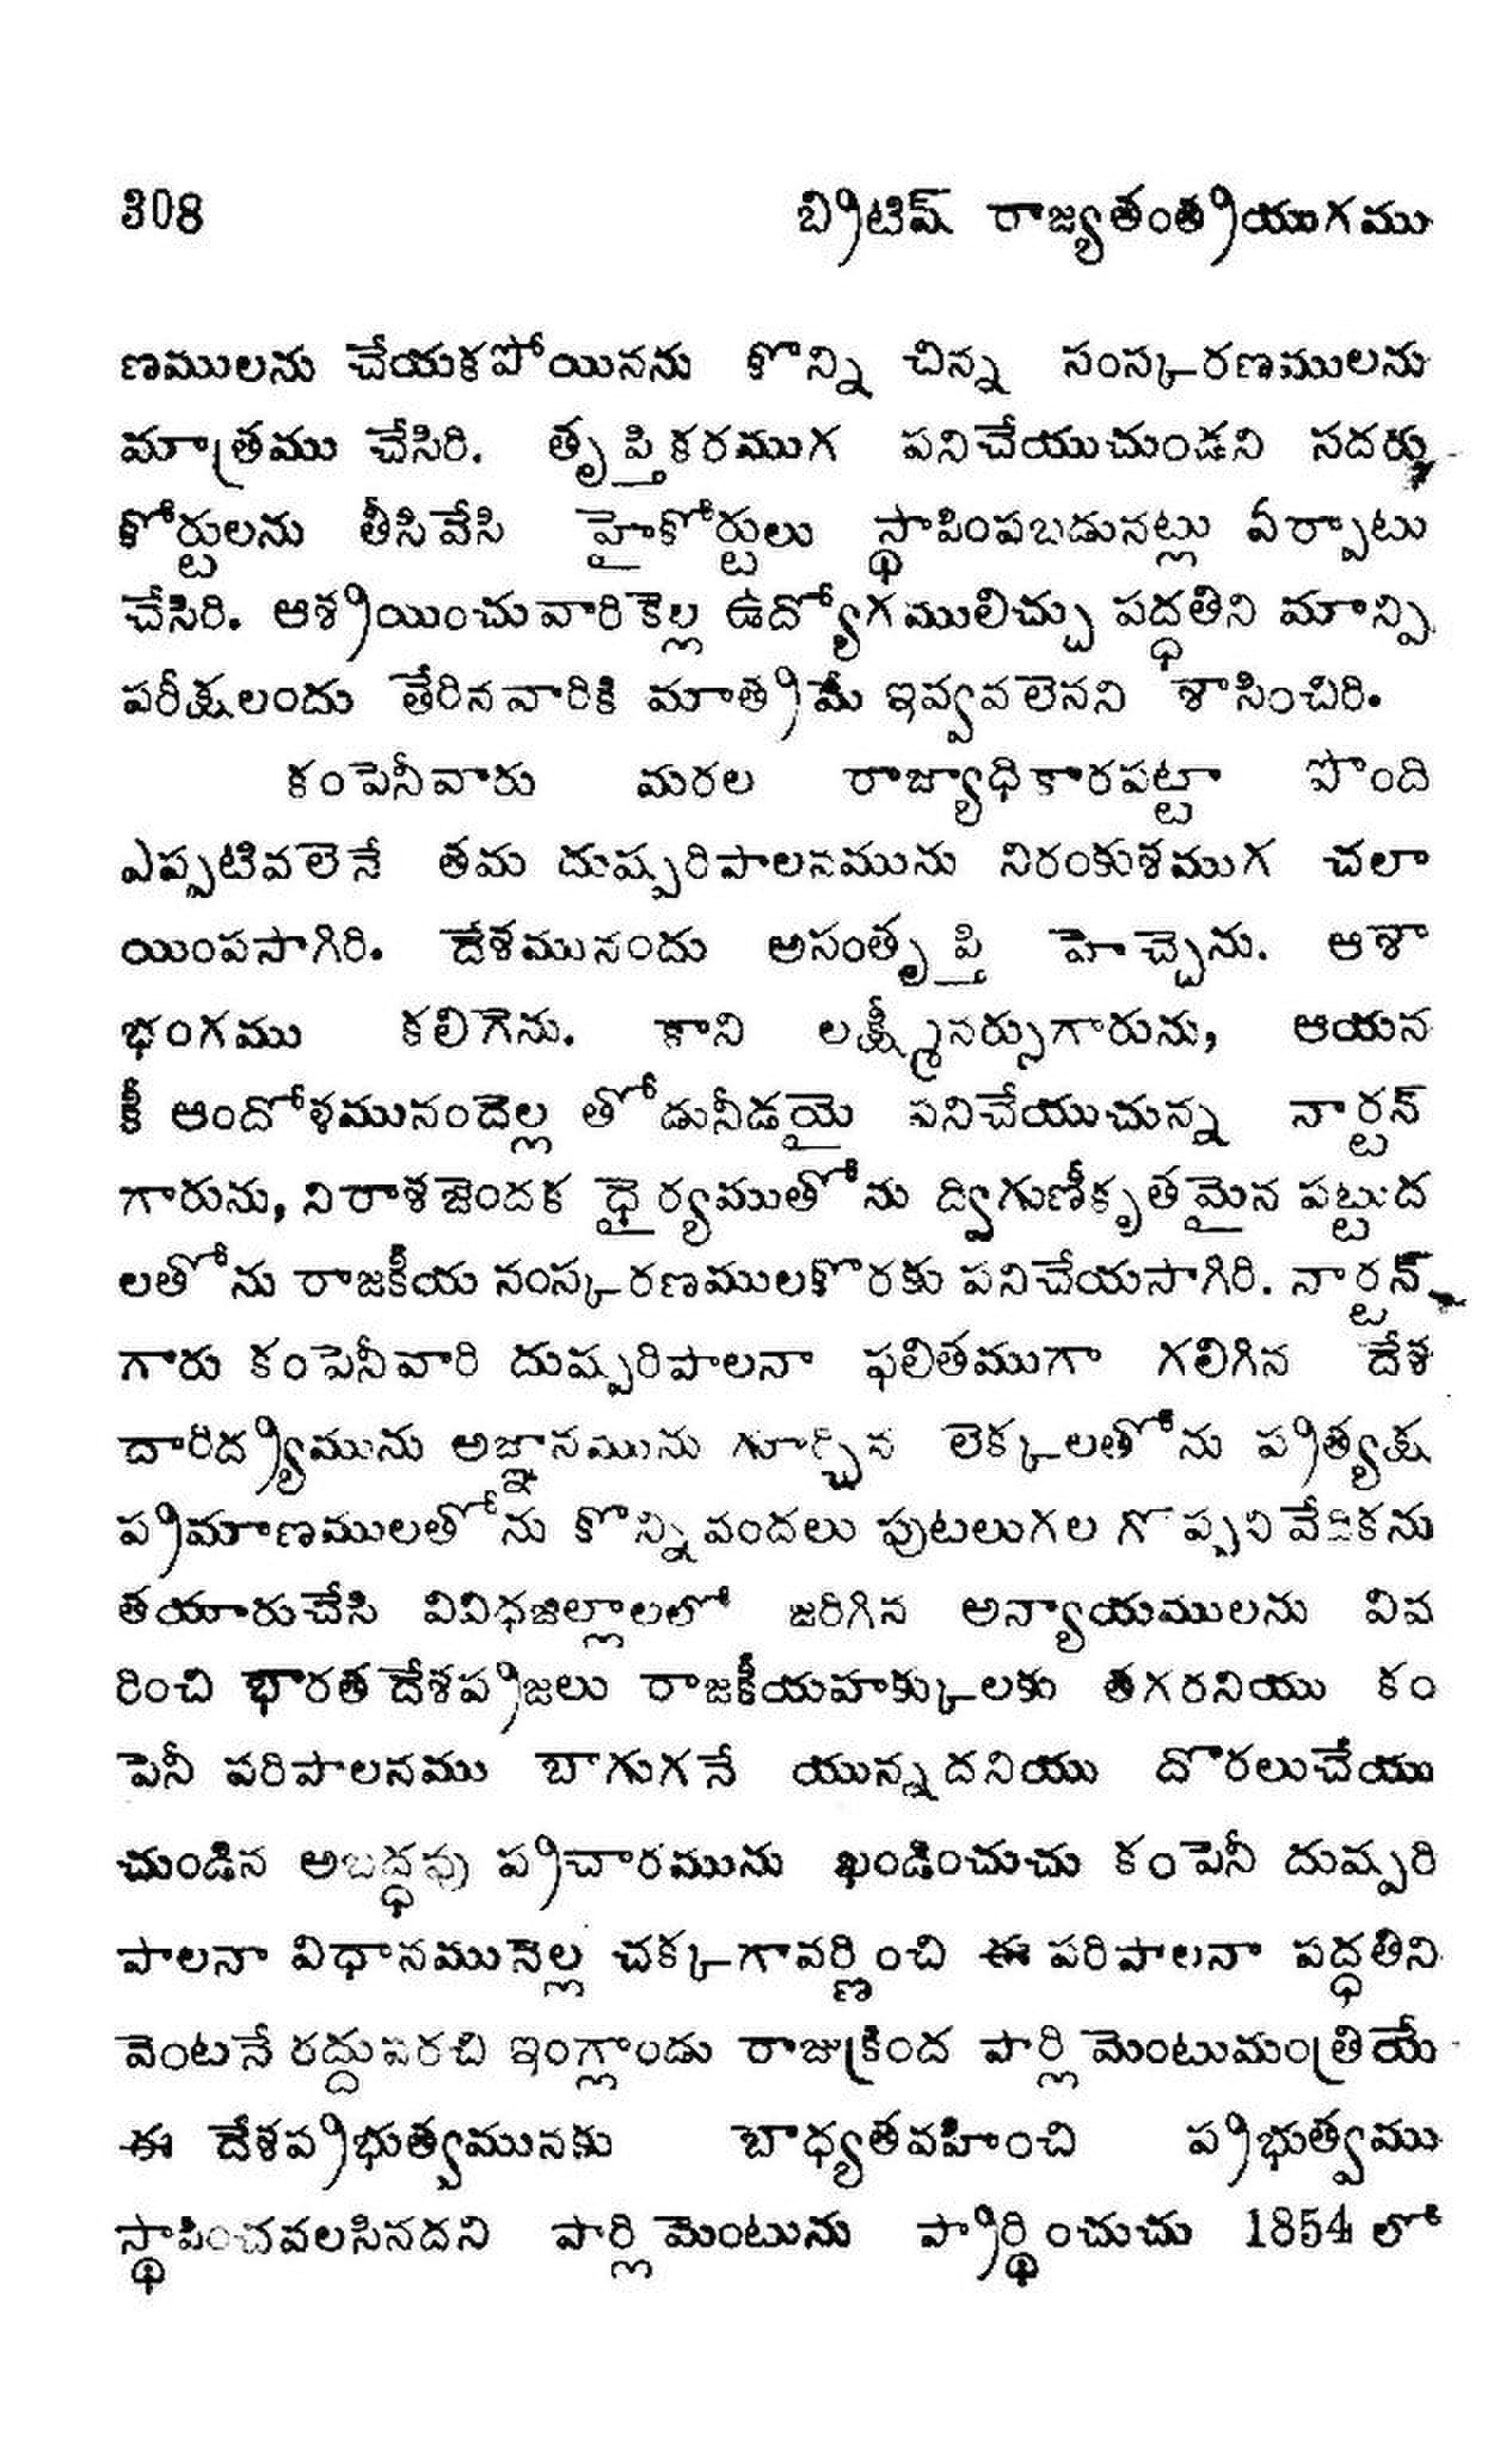ణములను చేయకపోయినను కొన్ని చిన్న సంస్కరణములను మాత్రము చేసిరి. తృప్తికరముగ పనిచేయుచుండని సదరు కోర్టులను తీసివేసి హైకోర్టులు స్థాపింపబడునట్లు ఏర్పాటుచేసిరి. ఆశ్రయించువారికెల్ల ఉద్యోగములిచ్చు పద్దతిని మాన్పి పరీక్షలందు తేరినవారికి మాత్రమే ఇవ్వవలెనని శాసించిరి.

కంపెనీవారు మరల రాజ్యాధికారపట్టా పొంది ఎప్పటివలెనే తమ దుష్పరిపాలనమును నిరంకుశముగ చలాయింపసాగిరి. దేశమునందు అసంతృప్తి హెచ్చెను. ఆశాభంగము కలిగెను. కాని లక్ష్మీనర్సుగారును, ఆయన కీ ఆందోళమునందెల్ల తోడునీడయై పనిచేయుచున్న నార్టన్ గారును, నిరాశజెందక ధైర్యముతోను ద్విగుణీకృతమైన పట్టుదలతోను రాజకీయ నంస్కరణములకొరకు పనిచేయసాగిరి. నార్టన్ గారు కంపెనీవారి దుష్పరిపాలనా ఫలితముగా గలిగిన దేశదారిద్ర్యమును అజ్ఞానమును గూర్చిన లెక్కలతోను ప్రత్యక్ష ప్రమాణములతోను కొన్నివందలు పుటలుగల గొప్పనివేదికను తయారుచేసి వివిధజిల్లాలలో జరిగిన అన్యాయములను వివరించి భారతదేశప్రజలు రాజకీయహక్కులకు తగరనియు కంపెనీ పరిపాలనము బాగుగనే యున్నదనియు దొరలుచేయుచుండిన అబద్ధపు ప్రచారమును ఖండించుచు కంపెనీ దుష్పరిపాలనా విధానమునెల్ల చక్కగావర్ణించి ఈ పరిపాలనా పద్దతిని వెంటనే రద్దుపరచి ఇంగ్లాండు రాజుక్రింద పార్లిమెంటుమంత్రియే ఈ దేశప్రభుత్వమునకు బాధ్యతవహించి ప్రభుత్వము స్థాపించవలసినదని పార్లమెంటును ప్రార్థించుచు 1854 లో